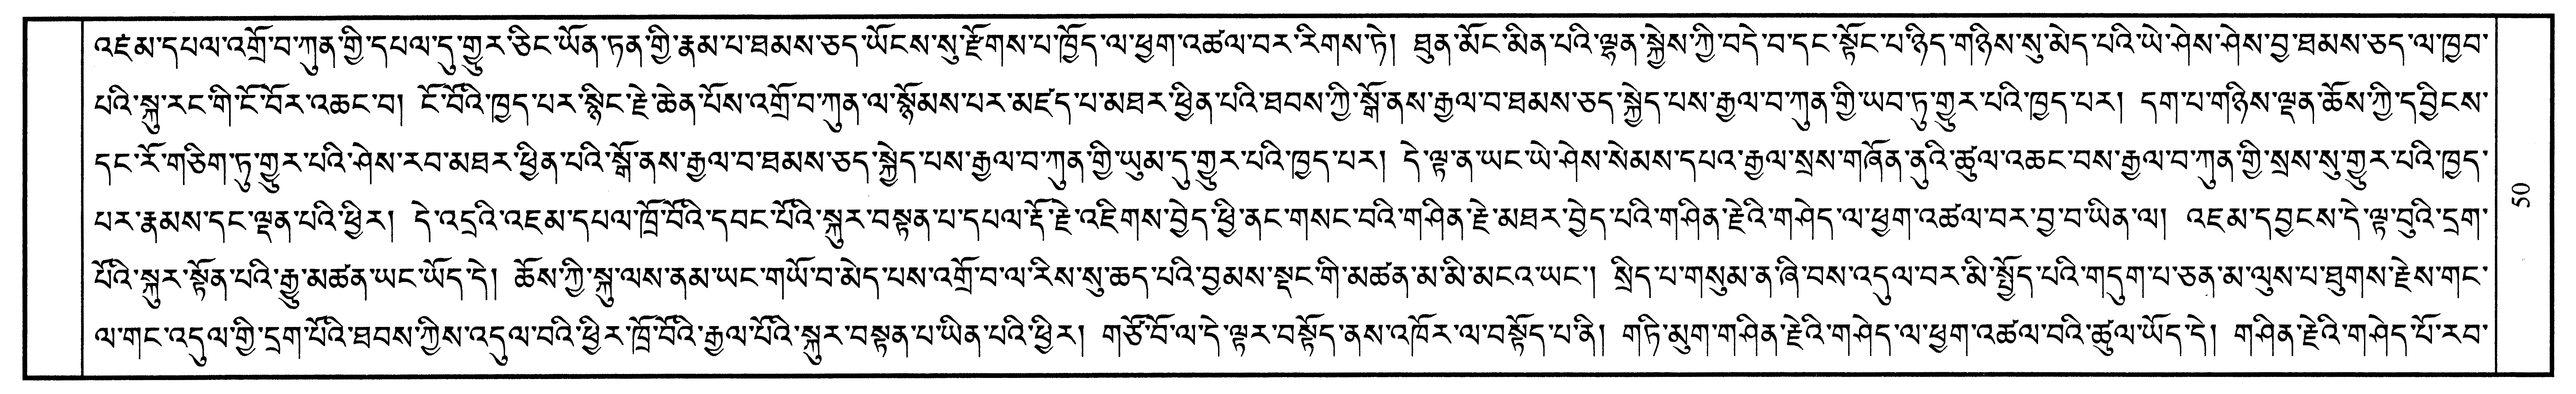འཇམ་དཔལ་འགྲོ་བ་ཀུན་གྱི་དཔལ་དུ་གྱུར་ཅིང་ཡོན་ཏན་གྱི་རྣམ་པ་ཐམས་ཅད་ཡོངས་སུ་རྫོགས་པ་ཁྱོད་ལ་ཕྱག་འཚལ་བར་རིགས་ཏེ། ཐུན་མོང་མིན་པའི་ལྷན་སྐྱེས་ཀྱི་བདེ་བ་དང་སྟོང་པ་ཉིད་གཉིས་སུ་མེད་པའི་ཡེ་ཤེས་ཤེས་བྱ་ཐམས་ཅད་ལ་ཁྱབ་
པའི་སྐུ་རང་གི་ངོ་བོར་འཆང་བ། ངོ་བོའི་ཁྱད་པར་སྙིང་རྗེ་ཆེན་པོས་འགྲོ་བ་ཀུན་ལ་སྙོམས་པར་མཛད་པ་མཐར་ཕྱིན་པའི་ཐབས་ཀྱི་སྒོ་ནས་རྒྱལ་བ་ཐམས་ཅད་སྐྱེད་པས་རྒྱལ་བ་ཀུན་གྱི་ཡབ་ཏུ་གྱུར་པའི་ཁྱད་པར། དག་པ་གཉིས་ལྡན་ཆོས་ཀྱི་དབྱིངས་
དང་རོ་གཅིག་ཏུ་གྱུར་པའི་ཤེས་རབ་མཐར་ཕྱིན་པའི་སྒོ་ནས་རྒྱལ་བ་ཐམས་ཅད་སྐྱེད་པས་རྒྱལ་བ་ཀུན་གྱི་ཡུམ་དུ་གྱུར་པའི་ཁྱད་པར། དེ་ལྟ་ན་ཡང་ཡེ་ཤེས་སེམས་དཔའ་རྒྱལ་སྲས་གཞོན་ནུའི་ཚུལ་འཆང་བས་རྒྱལ་བ་ཀུན་གྱི་སྲས་སུ་གྱུར་པའི་ཁྱད་
པར་རྣམས་དང་ལྡན་པའི་ཕྱིར། དེ་འདྲའི་འཇམ་དཔལ་ཁྲོ་བོའི་དབང་པོའི་སྐུར་བསྟན་པ་དཔལ་རྡོ་རྗེ་འཇིགས་བྱེད་ཕྱི་ནང་གསང་བའི་གཤིན་རྗེ་མཐར་བྱེད་པའི་གཤིན་རྗེའི་གཤེད་ལ་ཕྱག་འཚལ་བར་བྱ་བ་ཡིན་ལ། འཇམ་དབྱངས་དེ་ལྟ་བུའི་དྲག་
པོའི་སྐུར་སྟོན་པའི་རྒྱུ་མཚན་ཡང་ཡོད་དེ། ཆོས་ཀྱི་སྐུ་ལས་ནམ་ཡང་གཡོ་བ་མེད་པས་འགྲོ་བ་ལ་རིས་སུ་ཆད་པའི་བྱམས་སྡང་གི་མཚན་མ་མི་མངའ་ཡང་། སྲིད་པ་གསུམ་ན་ཞི་བས་འདུལ་བར་མི་སྤྱོད་པའི་གདུག་པ་ཅན་མ་ལུས་པ་ཐུགས་རྗེས་གང་
ལ་གང་འདུལ་གྱི་དྲག་པོའི་ཐབས་ཀྱིས་འདུལ་བའི་ཕྱིར་ཁྲོ་བོའི་རྒྱལ་པོའི་སྐུར་བསྟན་པ་ཡིན་པའི་ཕྱིར། གཙོ་བོ་ལ་དེ་ལྟར་བསྟོད་ནས་འཁོར་ལ་བསྟོད་པ་ནི། གཏི་མུག་གཤིན་རྗེའི་གཤེད་ལ་ཕྱག་འཚལ་བའི་ཚུལ་ཡོད་དེ། གཤིན་རྗེའི་གཤེད་པོ་རབ་